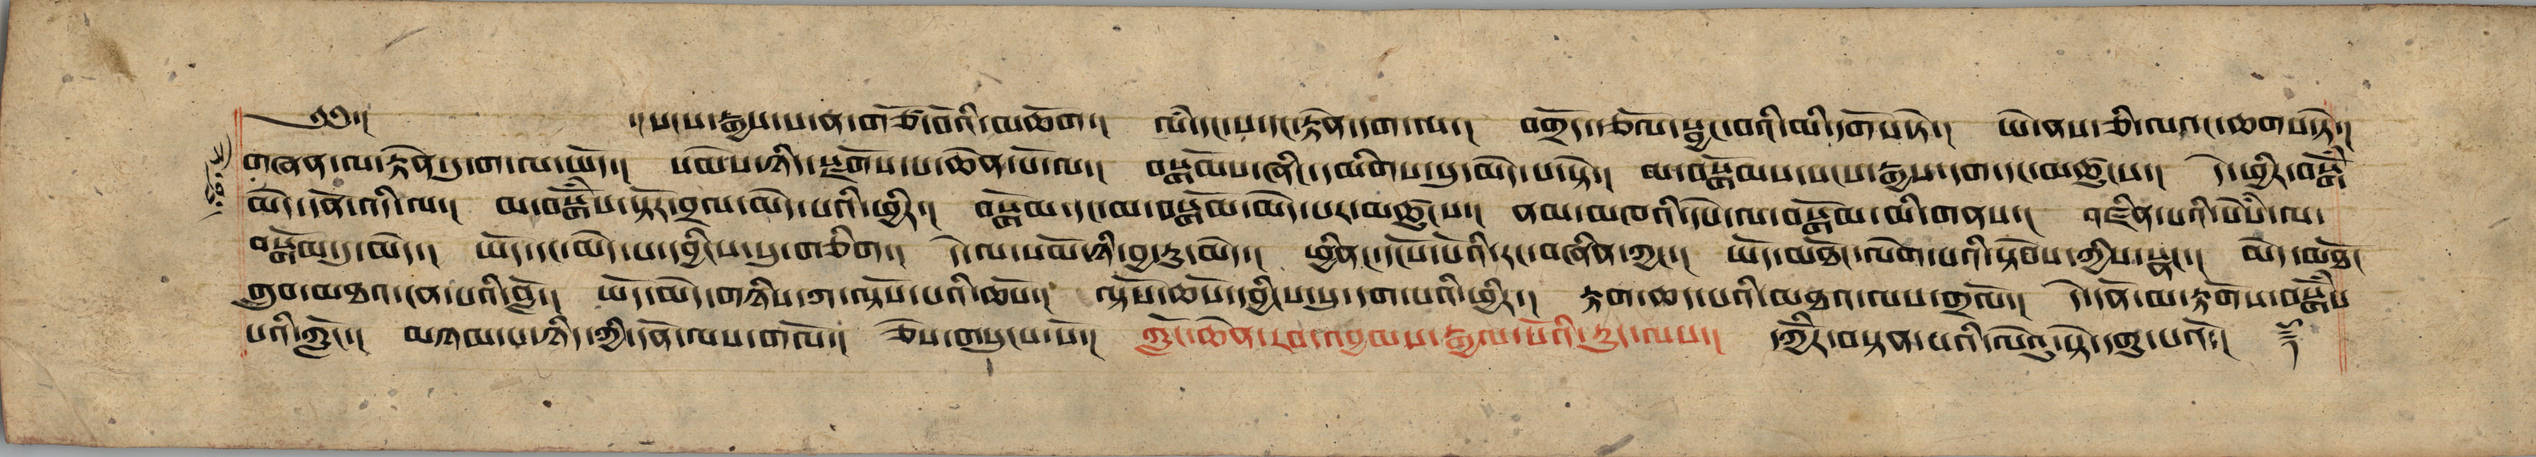༄༅་། ་།སངས་རྒྱས་ས་ན་གཙོ་བོའི་མཆོག་། ལཾ་དང་ས་དང་རྟེན་དག་ལ་། བགྲོད་རྩོལ་སྦྱང་བའི་མི་དགོས་ཏེ་། ཡེ་ནས་ཅི་ལའང་ཆགས་ཏེ་།
གཞན་ལ་རྟེན་དུ་ག་ལ་ཡོད་། སེམས་ཉིད་སྫོགས་པ་ཆེན་པོ་ལ་། བསྒོམས་ཞིང་དམིགས་སུ་མེད་པ་སྟེ་། མ་བསྒོམས་སངས་རྒྱས་དག་དང་མཚུངས་། དེ་ཕྱིར་བསྒོཾ་
མེད་དོན་འདི་ལ་། མ་བསྒོཾས་སྟོར་བྲལ་མེད་པའི་ཕྱིར་། བསྒོམ་དང་མ་བསྒོམ་མེད་པར་མཚུངས་། ནམ་མཁའི་དེས་ལ་བསྒོམ་མི་གནས་། འཛིན་པའི་སེཾས་ལ་
བསྒོམ་དུ་མེད་། ཡོད་དང་མེད་པ་དབྱིངས་སུ་གཅིག་། དེ་ལ་སོམ་ཉི་བྱ་ཏུ་མེད་། ཕྱིནང་དངོས་པོའི་རང་བཞིན་ཀྱང་། ཡོད་མཐོང་ལེགས་པའི་སྟོབས་ཀྱིས་སྣང་། མེད་མཐོང་
གྲུབ་མཐའ་ངན་པའི་བློ་། ཡོད་མེད་གཉིས་ཀ་ལྟོས་པའི་ཆོས་། ལྟོས་ཆོས་དབྱིངས་སུ་དག་པའི་ཕྱིར་། རྟག་ཆད་པའི་མཐའ་ལས་གྲོལ་། དེ་དོན་མ་རྟོགས་བསྒོཾས་
པའི་ཀློང་། མཉམ་པ་ཉིད་ཀྱི་དོན་ལས་གོལ་། ཅེས་གསུངས་སོ་། ཀློང་ཆེན་རབ་འབྱམས་རྒྱལ་པོའི་དྱུད་ལས་། དཀྱོིར་བསྟན་པའི་ལེའུ་སྟེ་དགུ་པའོ་། ༈